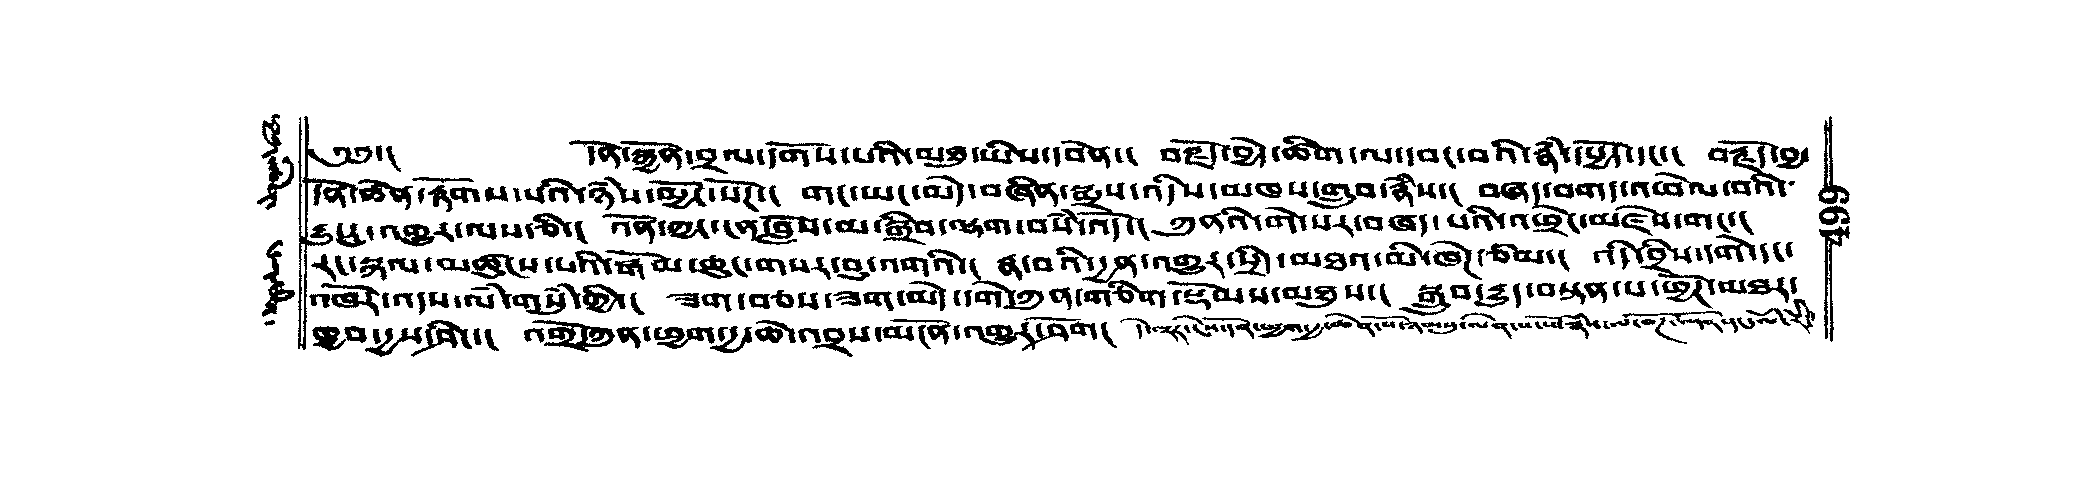དོན་སྐྱོན་བྲལ་དགོས་པའི་མཐུ་ཡིས་དབེན། །བརྗོད་བྱེད་ཚིག་ལ་དབང་བའི་རྣམ་དཔྱོད་དང་། །བརྗོད་བྱ་
དོན་ཆེན་རྟོགས་པའི་ཉམས་མྱོང་སོགས། །གང་ཡང་མེད་བཞིན་སྨྲས་འདིས་མཁས་གྲུབ་རྣམས། །བཞད་བགད་འཕེལ་བའི་
རྒྱུ་རུ་འགྱུར་ལས་ཅི། །འོན་ཀྱང་ངན་བློས་མ་བསྒྲིབས་ལྷག་བསམ་འོད། །ཀུནྡའི་གེ་སར་བཞད་པའི་འཕྲེང་མཛེས་གང་། །
རང་སྐལ་མཚུངས་པའི་སྒོམ་ཆུང་གསར་བུ་འགའི། །རྣ་བའི་རྒྱན་འགྱུར་སྲིད་མཐའ་མི་ཁེགས་ཙམ། །འདི་བྲིས་དགེ་དང་
འཁོར་འདས་ལམ་གསུམ་གྱི། །ཟག་བཅས་ཟག་མེད་དགེ་ཀུན་གཅིག་སྡོམས་མཐུས། །སྒྲུབ་རྒྱུད་བསྟན་པ་ཕྱོགས་མཐར་
ཁྱབ་རྒྱས་ཤིང་། །འགྲོ་ཀུན་ཕྱག་རྒྱ་ཆེ་འབྲས་མངོན་འགྱུར་ཤོག། དེ་ལྟར་ངེས་དོན་ཕྱག་རྒྱ་ཆེན་པོ་ཉམས་སུ་ལེན་པ་པོ་རྣམས་ལ་བོགས་འདོན་དང་ལམ་རིམ་